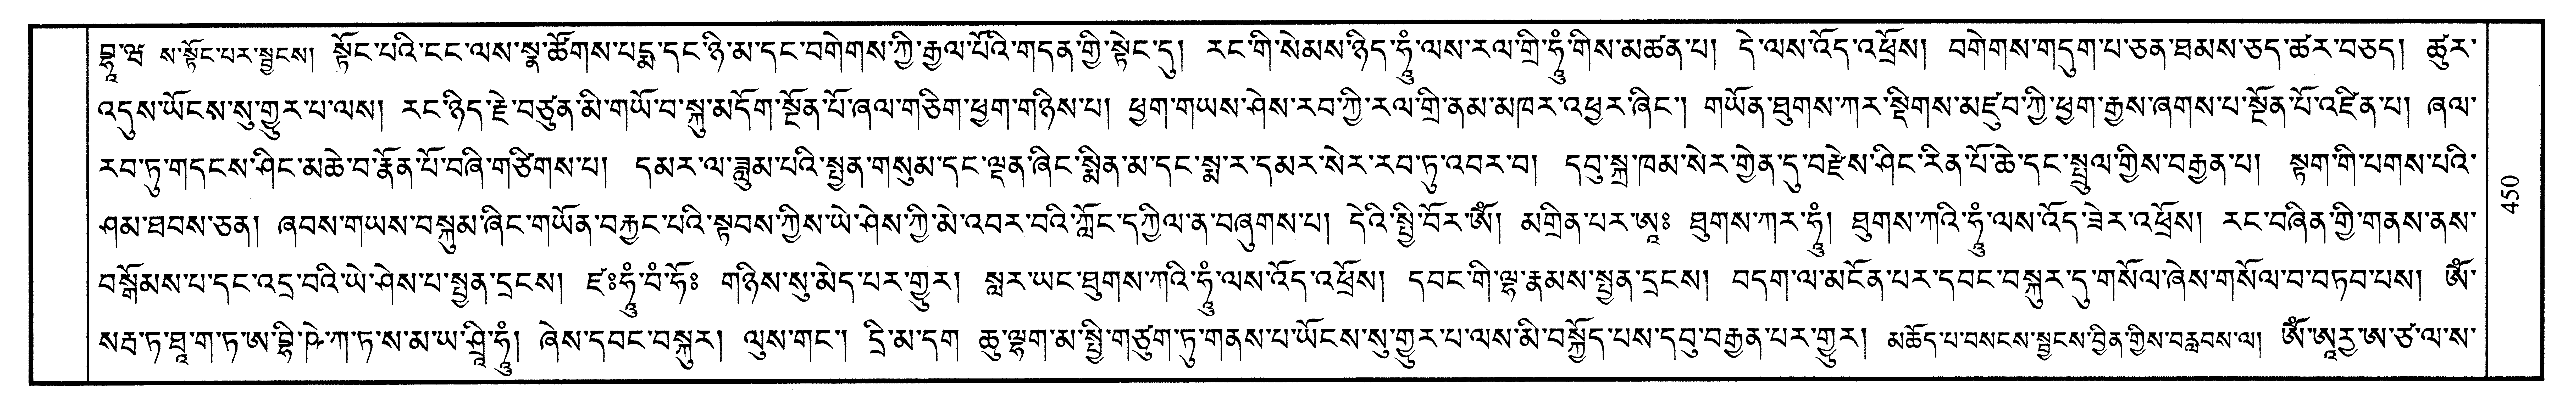བྷཱ་ཝ་ས་སྟོང་པར་སྦྱངས། སྟོང་པའི་ངང་ལས་སྣ་ཚོགས་པདམ་དང་ཉི་མ་དང་བགེགས་ཀྱི་རྒྱལ་པོའི་གདན་གྱི་སྟེང་དུ། རང་གི་སེམས་ཉིད་ཧཱུཾ་ལས་རལ་གྲི་ཧཱུཾ་གིས་མཚན་པ། དེ་ལས་འོད་འཕྲོས། བགེགས་གདུག་པ་ཅན་ཐམས་ཅད་ཚར་བཅད། ཚུར་
འདུས་ཡོངས་སུ་གྱུར་པ་ལས། རང་ཉིད་རྗེ་བཙུན་མི་གཡོ་བ་སྐུ་མདོག་སྔོན་པོ་ཞལ་གཅིག་ཕྱག་གཉིས་པ། ཕྱག་གཡས་ཤེས་རབ་ཀྱི་རལ་གྲི་ནམ་མཁར་འཕྱར་ཞིང་། གཡོན་ཐུགས་ཀར་སྡིགས་མཛུབ་ཀྱི་ཕྱག་རྒྱས་ཞགས་པ་སྔོན་པོ་འཛིན་པ། ཞལ་
རབ་ཏུ་གདངས་ཤིང་མཆེ་བ་རྣོན་པོ་བཞི་གཙིགས་པ། དམར་ལ་ཟླུམ་པའི་སྤྱན་གསུམ་དང་ལྡན་ཞིང་སྨིན་མ་དང་སྨ་ར་དམར་སེར་རབ་ཏུ་འབར་བ། དབུ་སྐྲ་ཁམ་སེར་གྱེན་དུ་བརྫེས་ཤིང་རིན་པོ་ཆེ་དང་སྤྲུལ་གྱིས་བརྒྱན་པ། སྟག་གི་པགས་པའི་
ཤམ་ཐབས་ཅན། ཞབས་གཡས་བསྐུམ་ཞིང་གཡོན་བརྐྱང་པའི་སྟབས་ཀྱིས་ཡེ་ཤེས་ཀྱི་མེ་འབར་བའི་ཀློང་དཀྱིལ་ན་བཞུགས་པ། དེའི་སྤྱི་བོར་ཨོཾ། མགྲིན་པར་ཨཱཿ ཐུགས་ཀར་ཧཱུཾ། ཐུགས་ཀའི་ཧཱུཾ་ལས་འོད་ཟེར་འཕྲོས། རང་བཞིན་གྱི་གནས་ནས་
བསྒོམས་པ་དང་འདྲ་བའི་ཡེ་ཤེས་པ་སྤྱན་དྲངས། ཛཿ ཧཱུཾ་བཾ་ཧོཿ གཉིས་སུ་མེད་པར་གྱུར། སླར་ཡང་ཐུགས་ཀའི་ཧཱུཾ་ལས་འོད་འཕྲོས། དབང་གི་ལྷ་རྣམས་སྤྱན་དྲངས། བདག་ལ་མངོན་པར་དབང་བསྐུར་དུ་གསོལ་ཞེས་གསོལ་བ་བཏབ་པས། ཨོཾ་
སརྦ་ཏ་ཐཱ་ག་ཏ་ཨ་བྷི་ཥེ་ཀ་ཏ་ས་མ་ཡ་ཤྲཱི་ཧཱུཾ། ཞེས་དབང་བསྐུར། ལུས་གང་། དྲི་མ་དག་ཆུ་ལྷག་མ་སྤྱི་གཙུག་ཏུ་གནས་པ་ཡོངས་སུ་གྱུར་པ་ལས་མི་བསྐྱོད་པས་དབུ་བརྒྱན་པར་གྱུར། མཆོད་པ་བསངས་སྦྱངས་བྱིན་གྱིས་བརླབས་ལ། ཨོཾ་ཨཱརྱ་ཨ་ཙ་ལ་ས་